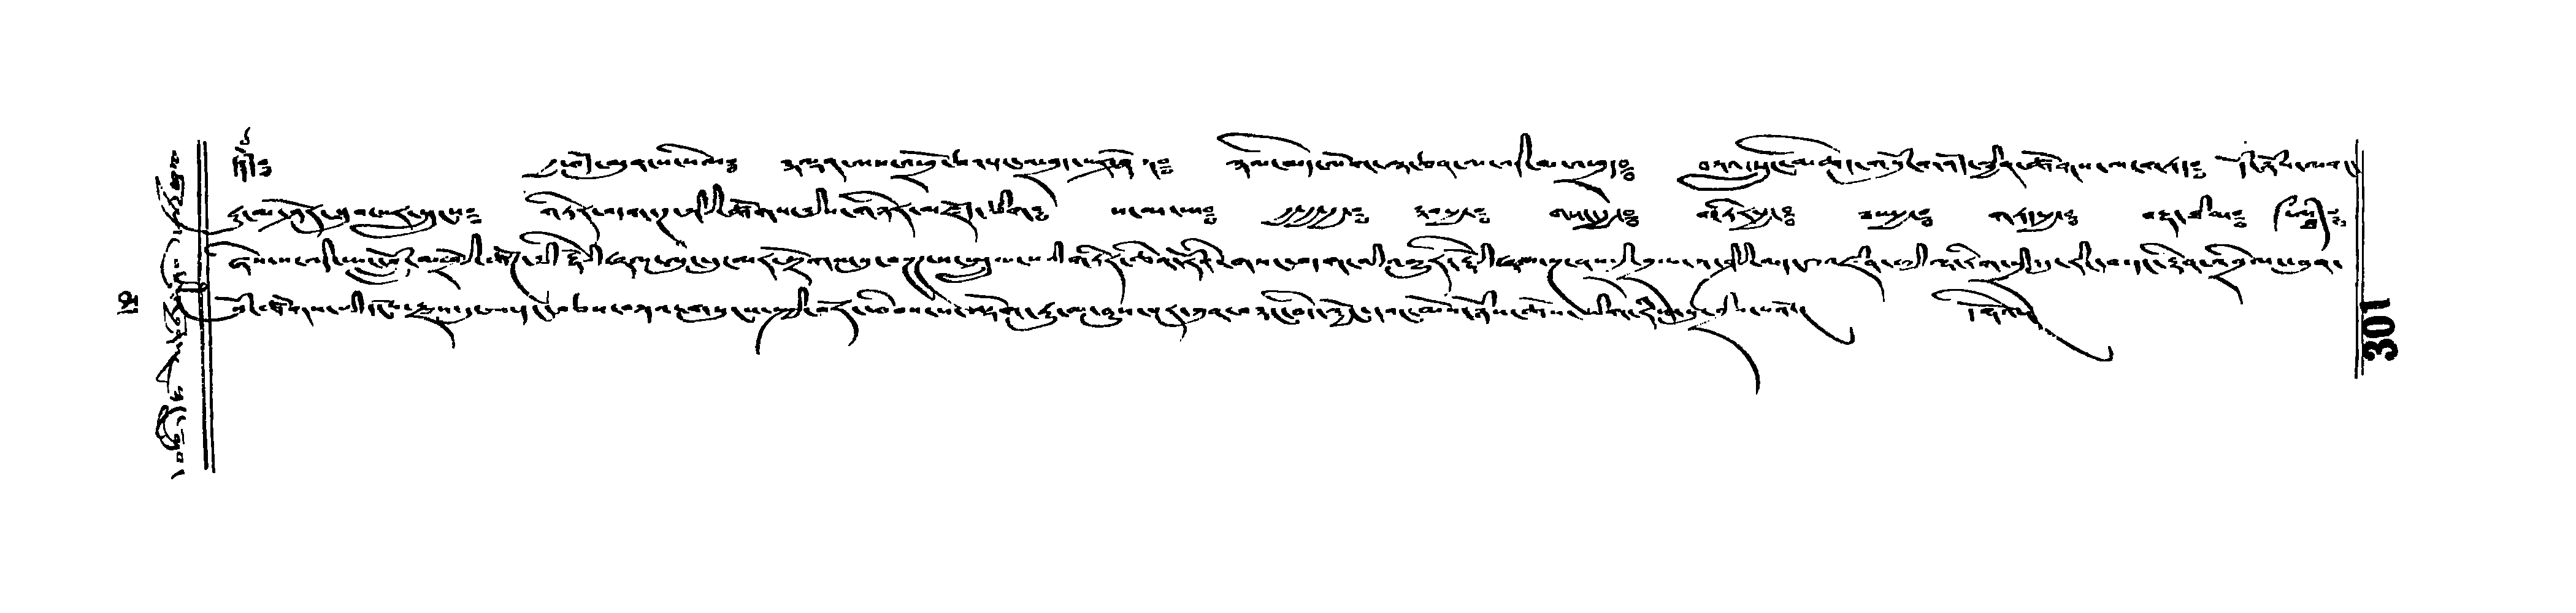རྒྱ་བོད་མུན་པ་སེལ༔ སྐལ་ལྡན་ལས་འཕྲོ་ཅན་དང་འཕྲད་པར་ཤོག༔ སྐལ་མེད་ལོག་ལྟ་ཅན་ལ་འདི་མ་འཕྲད༔ བཀའ་སྲུང་མཆེད་གསུམ་གནོད་སྦྱིན་ཚོགས་ལ་གཏད༔ དམ་ཉམས་ལག་
ཏུ་མ་ཤོར་ཐུབ་པར་སྲུངས༔ གཏེར་བདག་ཌཱ་ཀིའི་ཚོགས་ཀྱིས་གཉེར་མཛོད་ཅིག༔ ས་མ་ཡ༔ རྒྱ་རྒྱ་རྒྱ༔ ཟབ་རྒྱ༔ གསང་རྒྱ༔ གཏེར་རྒྱ༔ སྦས་རྒྱ༔ གཏད་རྒྱ༔ བརྡ་ཐིམ༔ ༔ 
ཞེས་པ་འདི་ཡང་བླ་མ་མཁའ་འགྲོའི་ཚོགས་ཀྱི་རྡོ་རྗེའི་ཞལ་ལུང་དུ་མར་གྲོགས་སུ་བསྔགས་པ་སྤྲུལ་པའི་གཏེར་ཆེན་རིན་པོ་ཆེ་གསང་བདག་མི་འགྱུར་རྡོ་རྗེའི་ཞལ་སྔ་ནས་དྲི་བྲལ་ཀ་ཤིའི་མདངས་འཛིན་གྱི་ལྷ་རེག་སྲིད་དུ་རིང་བ་དང་རྟེན་འབྲེལ་ཕུན་
སུམ་ཚོགས་པའི་དངོས་རྫས་དུ་མ་དང་བཅས་བཀའ་གསུངས་སྤྱི་བོར་ཕེབས་པ་ལྡོག་ཏུ་མ་ནུས་པར་ཀུན་བཟང་བདེ་སྐྱོང་དབང་མོས་ཉམས་ཆོས་ཡིག་རིས་སུ་བྲིས་པའོ།། དགེའོ།།